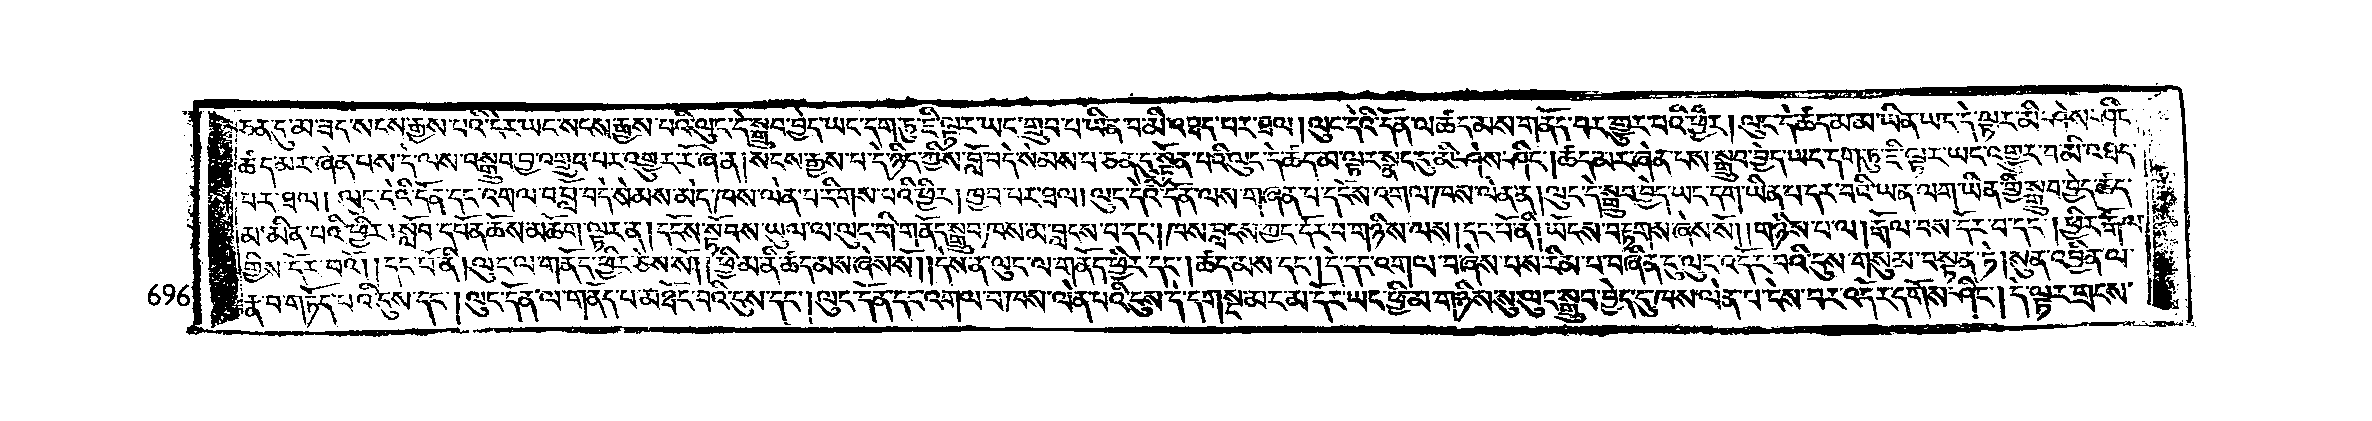ཅན་དུ་མ་ཟད་སངས་རྒྱས་པའི་དེར་ཡང་སངས་རྒྱས་པའི་ལུང་དེ་སྒྲུབ་བྱེད་ཡང་དག་ཏུ་ཇི་ལྟར་ཡང་གྲུབ་པ་ཡིན་པ་མི་འཐད་པར་ཐལ། ལུང་དེའི་དོན་ལ་ཚད་མས་གནོད་པར་གྱུར་པའི་ཕྱིར། ལུང་དེ་ཚད་མ་མ་ཡིན་ཡང་དེ་ལྟར་མི་ཤེས་ཤིང་
ཚད་མར་ཞེན་པས་དེ་ལས་བསྒྲུབ་བྱ་འགྲུབ་པར་འགྱུར་རོ་ཞེ་ན། སངས་རྒྱས་པ་དེ་ཉིད་ཀྱིས་བློ་བདེ་སེམས་པ་ཅན་དུ་སྟོན་པའི་ལུང་དེ་ཚད་མ་ལྟར་སྣང་དུ་མི་ཤེས་ཤིང་། ཚད་མར་ཞེན་པས་སྒྲུབ་བྱེད་ཡང་དག་ཏུ་ཇི་ལྟར་ཡང་འགྱུར་བ་མི་འཐད་
པར་ཐལ། ལུང་དེའི་དོན་དང་འགལ་བ་བློ་བདེ་སེམས་མེད་ཁས་ལེན་པ་རིགས་པའི་ཕྱིར། ཁྱབ་པར་ཐལ། ལུང་དེའི་དོན་ལས་གཞན་པ་དངོས་འགལ་ཁས་ལེན་ན། ལུང་དེ་སྒྲུབ་བྱེད་ཡང་དག་ཡིན་པ་དར་བའི་ཡན་ལག་ཡིན་གྱི་སྒྲུབ་བྱེད་ཚད་
མ་མིན་པའི་ཕྱིར། སློབ་དཔོན་ཆོས་མཆོག་ལྟར་ན། དངོས་སྟོབས་ཡུལ་ལ་ལུང་གི་གནོད་སྒྲུབ་ཁས་མ་བླངས་པ་དང་། ཁས་བླངས་ཀྱང་དོར་བ་གཉིས་ལས། དང་པོ་ནི། ཡོངས་བརྟགས་ཞེས་སོ། །གཉིས་པ་ལ། རྒོལ་བས་དོར་བ་དང་། ཕྱིར་རྒོལ་
གྱིས་དོར་བའོ། །དང་པོ་ནི། ལུང་ལ་གནོད་ཕྱིར་ཅེས་སོ། །ཕྱི་མ་ནི་ཚད་མས་ཞེས་སོ། །དེས་ན་ལུང་ལ་གནོད་ཕྱིར་དང་། ཚད་མས་དང་། དེ་དང་འགལ་བ་ཞེས་པས་རིམ་པ་བཞིན་དུ་ལུང་འདོར་བའི་དུས་གསུམ་བསྟན་ཏེ། སུན་འབྱིན་ལ་
རྣ་བ་གཏོད་པའི་དུས་དང་། ལུང་དོན་ལ་གནོད་པ་མཐོང་བའི་དུས་དང་། ལུང་དོན་དང་འགལ་བ་ཁས་ལེན་པའི་དུས་དེ་དག་སྔ་མར་མ་དོར་ཡང་ཕྱི་མ་གཉིས་སུ་ལུང་སྒྲུབ་བྱེད་དུ་ཁས་ལེན་པ་ངེས་པར་འདོར་དགོས་ཤིང་། དེ་ལྟར་གྲངས་